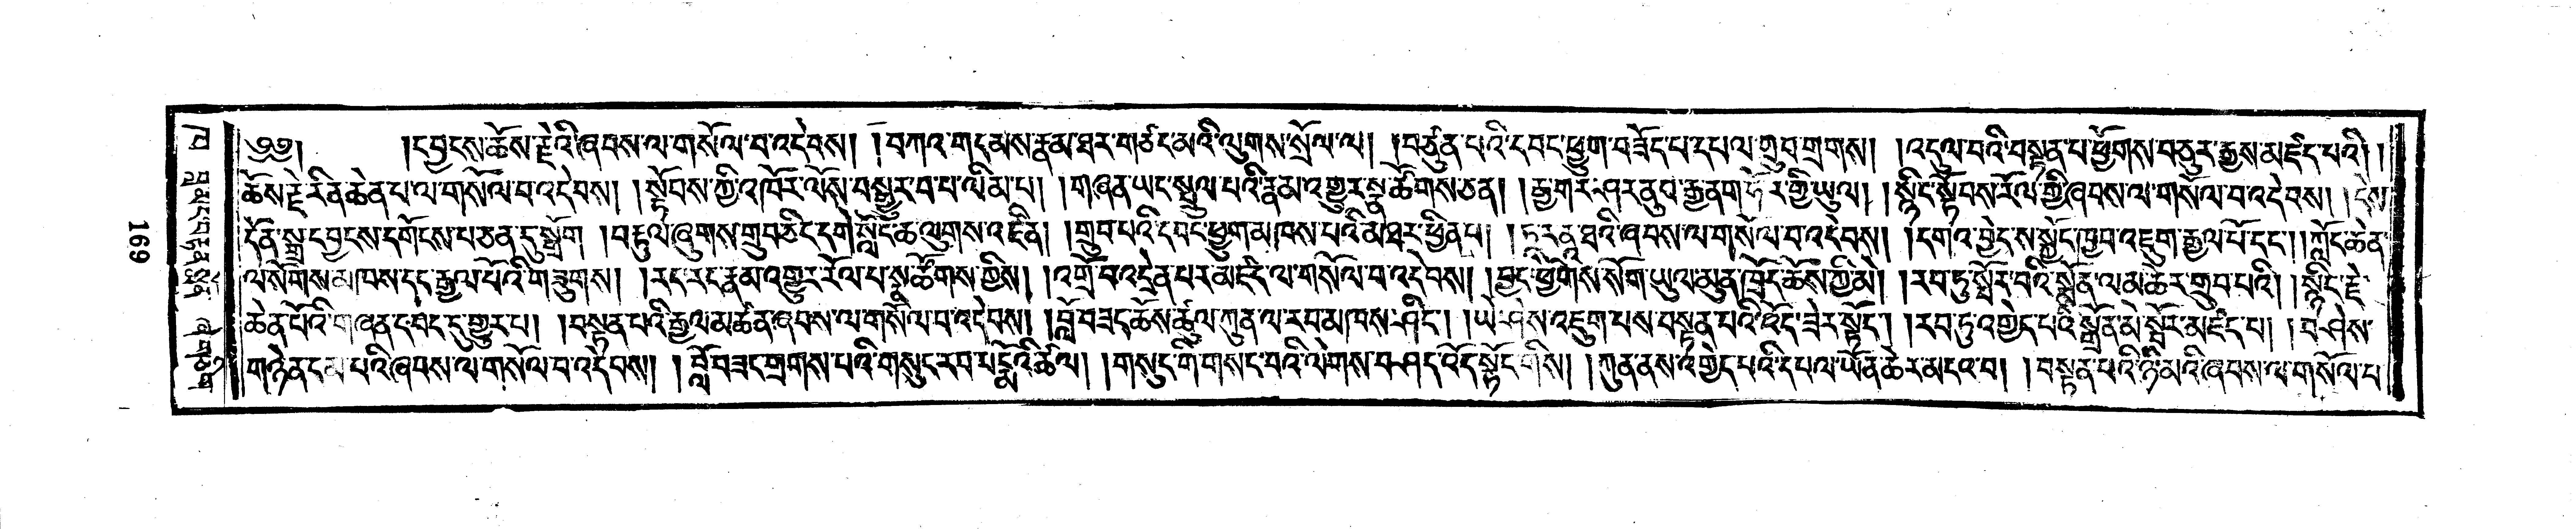༄༅། །དབྱངས་ཆོས་རྗེའི་ཞབས་ལ་གསོལ་བ་འདེབས། །བཀའ་གདམས་རྣམ་ཐར་གཙང་མའི་ལུགས་སྲོལ་ལ། །བཙུན་པའི་དབང་ཕྱུག་བཟོད་པ་དཔལ་གྲུབ་གྲགས། །འདུལ་བའི་བསྟན་པ་ཕྱོགས་བཅུར་རྒྱས་མཛད་པའི། །
ཆོས་རྗེ་རིན་ཆེན་པ་ལ་གསོལ་བ་འདེབས། །སྟོབས་ཀྱི་འཁོར་ལོས་བསྒྱུར་བ་པ་ལིམ་པ། །གཞན་ཡང་སྤྲུལ་པའི་རྣམ་འགྱུར་སྣ་ཚོགས་ཅན། །རྒྱ་གར་ཤར་ནུབ་རྒྱ་ནག་ཧོར་གྱི་ཡུལ། །སྙིང་སྟོབས་རོལ་གྱི་ཞབས་ལ་གསོལ་བ་འདེབས། །དེས་
དོན་སྒྲ་དབྱངས་དགོངས་པ་ཅན་དུ་སྒྲོག །བརྟུལ་ཞུགས་གྲུབ་ཅིང་དགེ་སློང་ཆ་ལུགས་འཛིན། །གྲུབ་པའི་དབང་ཕྱུག་མཁས་པའི་མཐར་ཕྱིན་པ། །ཏཱ་ར་ནཱ་ཐའི་ཞབས་ལ་གསོལ་བ་འདེབས། །དགའ་བྱེད་ས་སྐྱོང་ཁྱབ་འཇུག་རྒྱལ་པོ་དང་། །ཀློང་ཆེན་
ལ་སོགས་མཁས་དང་རྒྱལ་པོའི་གཟུགས། །རང་རང་རྣམ་འགྱུར་རོལ་པ་སྣ་ཚོགས་ཀྱིས། །འགྲོ་བ་འདྲེན་པར་མཛད་ལ་གསོལ་བ་འདེབས། །བྱང་ཕྱོགས་སོག་ཡུལ་མུན་ཁྲོད་ཆོས་ཀྱི་མེ། །རབ་ཏུ་སྤོར་བའི་སྨོན་ལམ་ཆེར་གྲུབ་པའི། །སྙིང་རྗེ་
ཆེན་པོའི་གཞན་དབང་དུ་གྱུར་པ། །བསྟན་པའི་རྒྱལ་མཚན་ཞབས་ལ་གསོལ་བ་འདེབས། །བློ་བཟང་ཆོས་ཚུལ་ཀུན་ལ་རབ་མཁས་ཤིང་། །ཡེ་ཤེས་འཇུག་པས་བསྟན་པའི་འོད་ཟེར་སྟོང་། །རབ་ཏུ་འགྱེད་པའི་སྒྲོན་མེ་སྦོར་མཛད་པ། །བཤེས་
གཉེན་དམ་པའི་ཞབས་ལ་གསོལ་བ་འདེབས། །བློ་བཟང་གྲགས་པའི་གསུང་རབ་པདམོའི་ཚལ། །གསུང་གི་གསང་བའི་ལེགས་བཤད་འོད་སྟོང་གིས། །ཀུན་ནས་འགྱེད་པའི་དཔལ་ཡོན་ཆེར་མངའ་བ། །བསྟན་པའི་ཉི་མའི་ཞབས་ལ་གསོལ་པ་